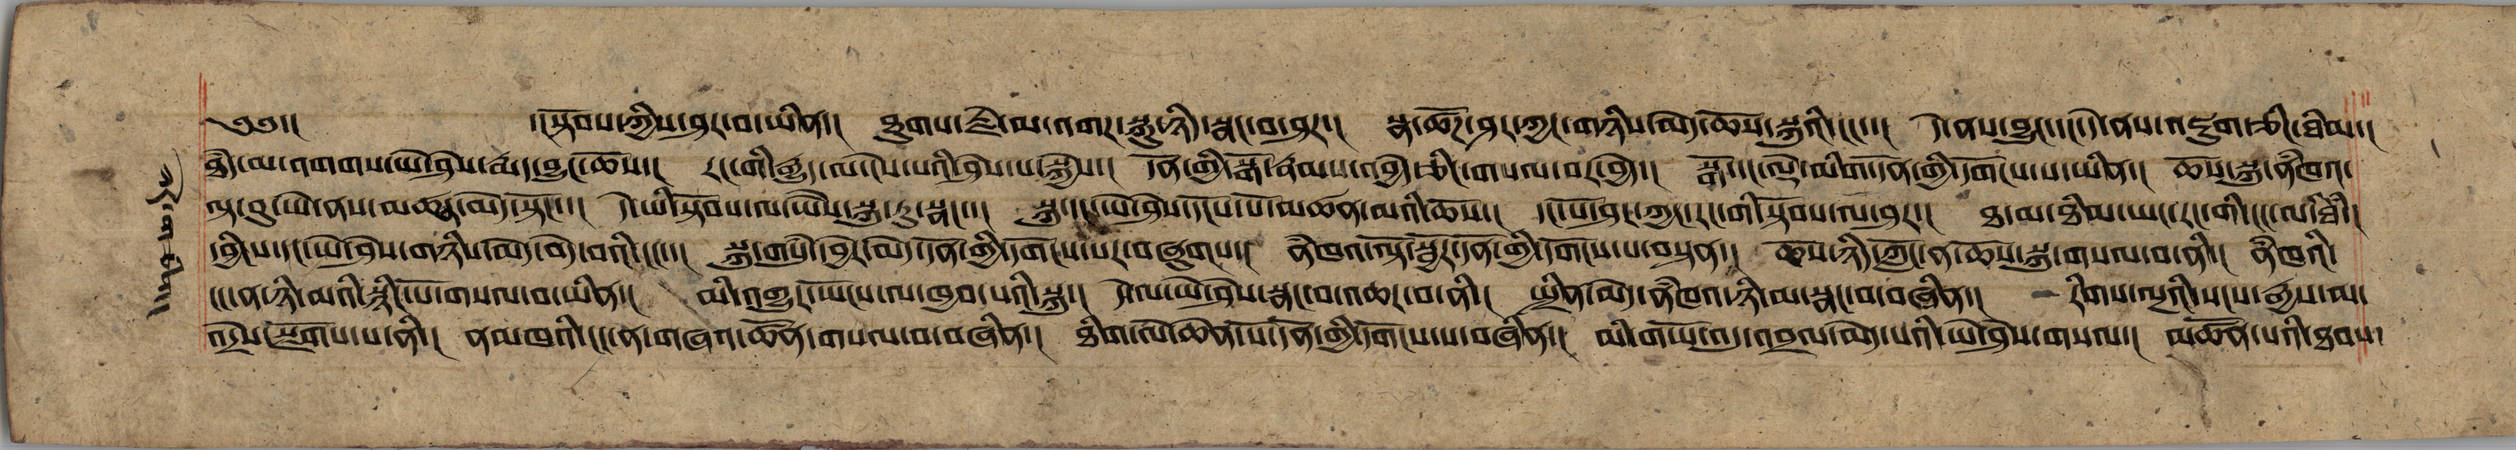༄༅་། ་།སྟོབས་ཀྱིས་ཤར་བ་ཡིན་། ཐུགས་རྗེ་མ་འགཌ་སྐུ་ཉིད་སྣང་བ་ཤར་། སྣ་ཚོཌ་ཤར་ཀྱང་གཉིས་མེད་ཆོས་སྐུའི་ངང་་། དེ་ནས་བྱུང་དང་དེ་ནས་འཇུག་ཅིང་ཐིམ་།
ཐཾད་མ་འགགས་ཡེ་ཤེས་རྨད་བྱུང་ཆོས་། རང་གི་རྒྱུད་ལ་ངེས་པའི་ཤེས་པ་སྐྱེས་། དོན་གྱི་སྒོ་རྣམས་འབྱེད་ཅིང་གསལ་བར་བྱེད་། སྒོ་དང་ལྡེ་མིག་དོན་གྱི་དགོངས་པ་ཡིན་། ཆོས་སྐུ་ནཾཁའ་
ལྟ་བུ་ཡེ་ནས་མཚན་མེད་སྟོང་་། དེ་ཡི་སྟོབས་ལ་ཡཻས་སྐུ་རུ་སྣང་་། སྐུ་དང་ཡེ་ཤེས་དངོས་པོ་མཚན་མའི་ཆོས་། དང་པོ་ཤར་ཀྱང་རང་གི་སྟོབས་ལ་ཤར་། ཐ་མ་ཐིམ་ཡང་རང་གི་ངང་ལ་ཐིཾ་།
དབྱིངས་དང་ཡེ་ཤེས་གཉིས་མེད་བདེ་བའི་ངང་་། སྐུ་གསུཾ་དབྱེར་མེད་དོན་གྱི་དགོངས་པར་བཞུགས་། ནཾཁའ་ལྟོ་སྦྱོར་དོན་གྱི་དགོངས་པ་བསྟན་། ཆོས་ཉིད་ཀློང་ན་ཆོས་སྐུ་གསལ་བ་ནི་། ནཾཁའི་
ངང་ན་ཉི་མའི་སྙིང་པོ་གསལ་བ་ཡིན་། མི་འགྱུར་ཡོངས་ལ་ཁྱབ་པའི་སྐུ་། དེ་ལ་ཡེ་ཤེས་སྣང་བ་འཆར་བ་ནི་། སྤྲིན་མེད་ནཾཁའ་ཉི་མ་སྣང་བ་བཞིན་། རིགས་ལྔའི་སངས་རྒྱས་མ་
འདྲེས་སྫོགས་པ་ནི་། ནམཁའི་ངང་ན་གཞའ་ཚོན་གསལ་བ་བཞིན་། ཐིག་ལེ་ཆེན་པོ་དོན་གྱི་དགོངས་པ་བཞིན་། མི་གཡོ་འདུ་འབྲལ་མེད་པའི་ཡེ་ཤེས་གསལ་། མཚོན་པའི་ཐབས་